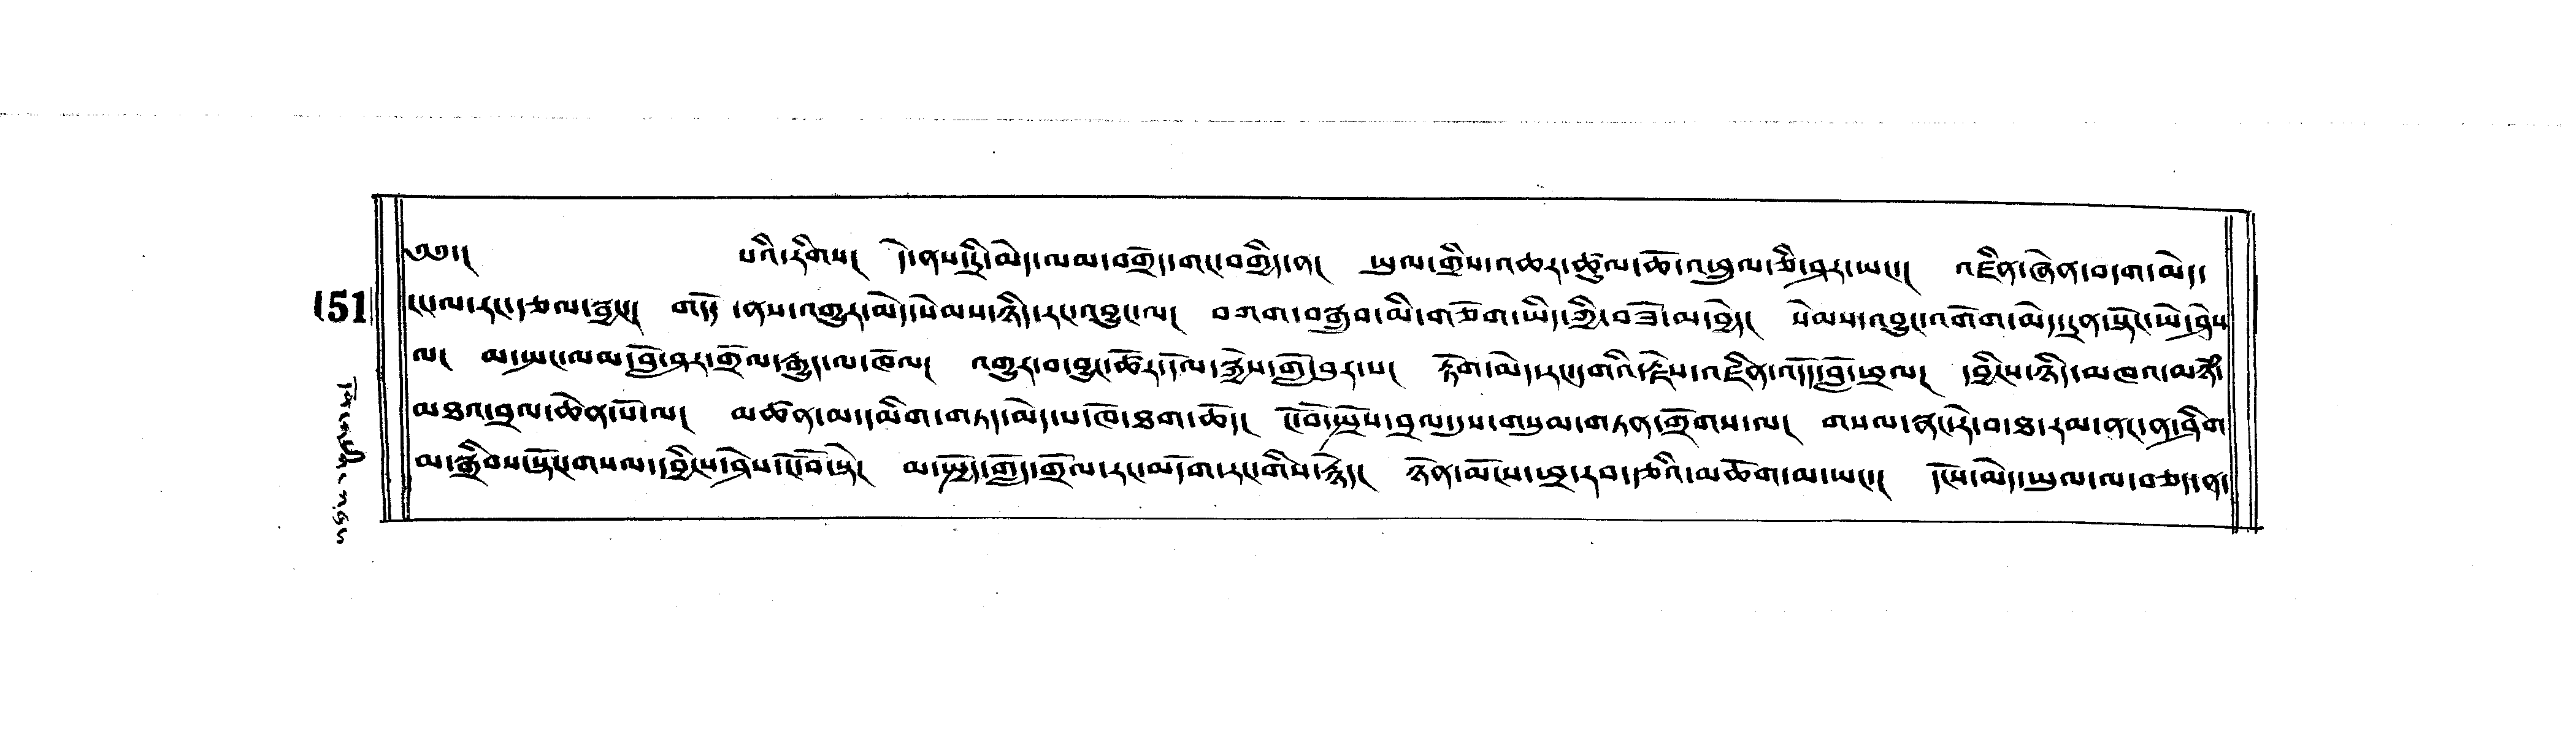པའི་རིགས། དེ་ནས་དྲི་མེད་ལམ་བགྲོད་གང་བགྱིད་ན། ཡུལ་གྱིས་འཆར་ཚུལ་ཆོ་འཕྲུལ་ཅི་ཤར་ཡང་། འཛིན་ཞེན་བདག་མེད་
ངང་ལ་རང་རྩལ་སྦྱང་། གདོད་ནས་འགྱུར་མེད་སེམས་ཉིད་རང་འབྱུང་ལ། བཀག་སྒྲུབ་མི་གཅོག་ཡིད་ཀྱི་བཟོ་མ་བྱེད། སེམས་བྱུང་འགོག་མེད་དྲན་སྟོང་ཡེ་ཤེས་
ལ། མ་སྤང་ལམ་བློ་ཤར་གྲོལ་རྒྱུད་ལ་ཁོལ། འགྱུར་བ་བྱུང་ཚོར་དོལ་སྐྱེས་གློ་བུར་པ། རྟོག་མེད་རང་དགའི་རྗེས་འཛིན་འདོད་བློ་ཕྲལ། དབྱིངས་ཉིད་མཁའ་མཉམ་
མཐའ་བྲལ་ཆེན་པོ་ལ། མཚན་མ་དམིགས་གཏད་མེད་པ་ཁོ་ཐག་ཆོད། ངོ་བོ་སྤྲོས་བྲལ་དུས་གསུམ་གཏན་གྲོགས་ལ། གསལ་སྣང་རེ་བ་ཐ་རམ་ནང་ན་ཤིག 
མ་སྒྲིབ་སྟོང་གསལ་དབྱིངས་ཤེས་ངོ་བོ་སྟེ། མ་སྤྱོད་གློད་གྲོལ་རང་མདོག་རང་གིས་རྙེད། ཉོན་མོངས་ཕྲ་རབ་རྩྭ་ཡི་མཆོག་མ་ཡང་། དངོས་མེད་ཡུལ་ལ་བཅད་ན་